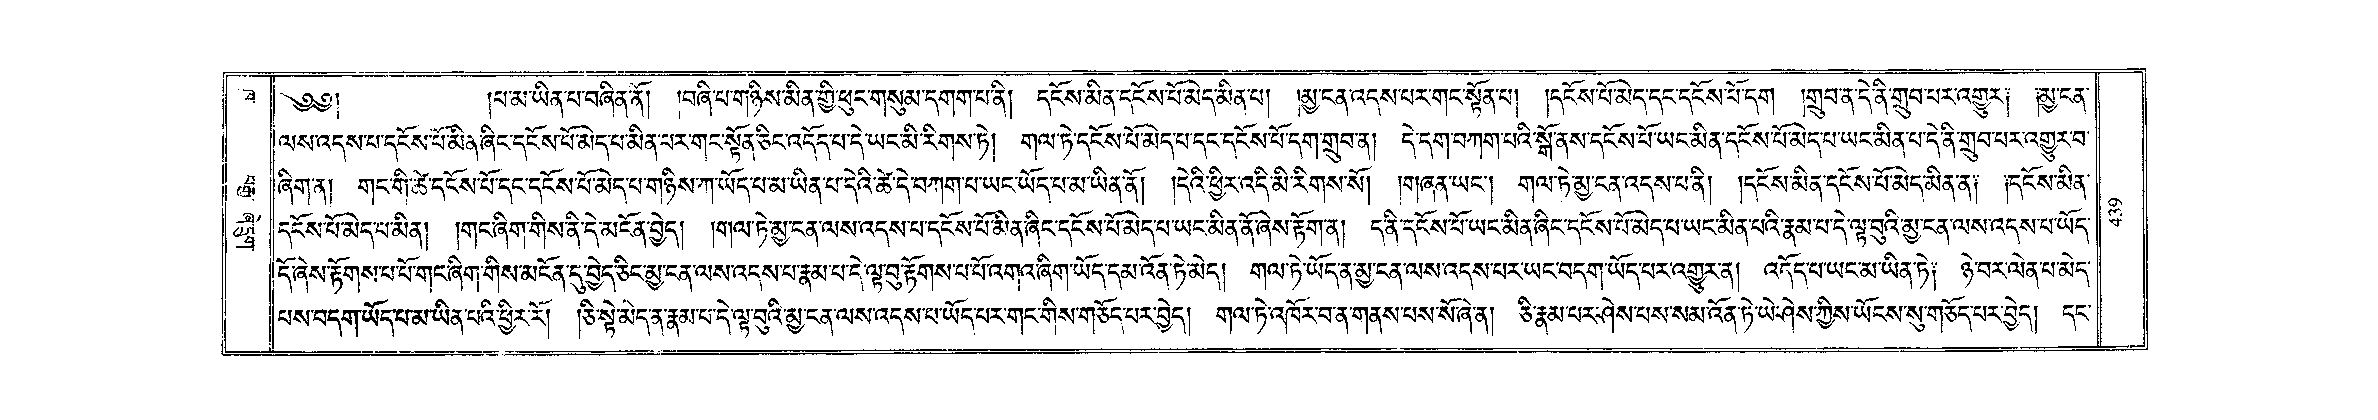༄༅། །པ་མ་ཡིན་པ་བཞིན་ནོ། །བཞི་པ་གཉིས་མིན་གྱི་ཕུང་གསུམ་དགག་པ་ནི། དངོས་མིན་དངོས་པོ་མེད་མིན་པ། །མྱ་ངན་འདས་པར་གང་སྟོན་པ། །དངོས་པོ་མེད་དང་དངོས་པོ་དག །གྲུབ་ན་དེ་ནི་གྲུབ་པར་འགྱུར། །མྱ་ངན་
ལས་འདས་པ་དངོས་པོ་མིན་ཞིང་དངོས་པོ་མེད་པ་མིན་པར་གང་སྟོན་ཅིང་འདོད་པ་དེ་ཡང་མི་རིགས་ཏེ། གལ་ཏེ་དངོས་པོ་མེད་པ་དང་དངོས་པོ་དག་གྲུབ་ན། དེ་དག་བཀག་པའི་སྒོ་ནས་དངོས་པོ་ཡང་མིན་དངོས་པོ་མེད་པ་ཡང་མིན་པ་དེ་ནི་གྲུབ་པར་འགྱུར་བ་
ཞིག་ན། གང་གི་ཚེ་དངོས་པོ་དང་དངོས་པོ་མེད་པ་གཉིས་ཀ་ཡོད་པ་མ་ཡིན་པ་དེའི་ཚེ་དེ་བཀག་པ་ཡང་ཡོད་པ་མ་ཡིན་ནོ། །དེའི་ཕྱིར་འདི་མི་རིགས་སོ། །གཞན་ཡང་། གལ་ཏེ་མྱ་ངན་འདས་པ་ནི། །དངོས་མིན་དངོས་པོ་མེད་མིན་ན༑ ༑དངོས་མིན་
དངོས་པོ་མེད་པ་མིན། །གང་ཞིག་གིས་ནི་དེ་མངོན་བྱེད། །གལ་ཏེ་མྱ་ངན་ལས་འདས་པ་དངོས་པོ་མིན་ཞིང་དངོས་པོ་མེད་པ་ཡང་མིན་ནོ་ཞེས་རྟོག་ན། ད་ནི་དངོས་པོ་ཡང་མིན་ཞིང་དངོས་པོ་མེད་པ་ཡང་མིན་པའི་རྣམ་པ་དེ་ལྟ་བུའི་མྱ་ངན་ལས་འདས་པ་ཡོད་
དོ་ཞེས་རྟོགས་པ་པོ་གང་ཞིག་གིས་མངོན་དུ་བྱེད་ཅིང་མྱ་ངན་ལས་འདས་པ་རྣམ་པ་དེ་ལྟ་བུ་རྟོགས་པ་པོ་འགའ་ཞིག་ཡོད་དམ་འོན་ཏེ་མེད། གལ་ཏེ་ཡོད་ན་མྱ་ངན་ལས་འདས་པར་ཡང་བདག་ཡོད་པར་འགྱུར་ན། འདོད་པ་ཡང་མ་ཡིན་ཏེ༑ ཉེ་བར་ལེན་པ་མེད་
པས་བདག་ཡོད་པ་མ་ཡིན་པའི་ཕྱིར་རོ། །ཅི་སྟེ་མེད་ན་རྣམ་པ་དེ་ལྟ་བུའི་མྱ་ངན་ལས་འདས་པ་ཡོད་པར་གང་གིས་གཅོད་པར་བྱེད། གལ་ཏེ་འཁོར་བ་ན་གནས་པས་སོ་ཞེ་ན། ཅི་རྣམ་པར་ཤེས་པས་སམ་འོན་ཏེ་ཡེ་ཤེས་ཀྱིས་ཡོངས་སུ་གཅོད་པར་བྱེད། དང་